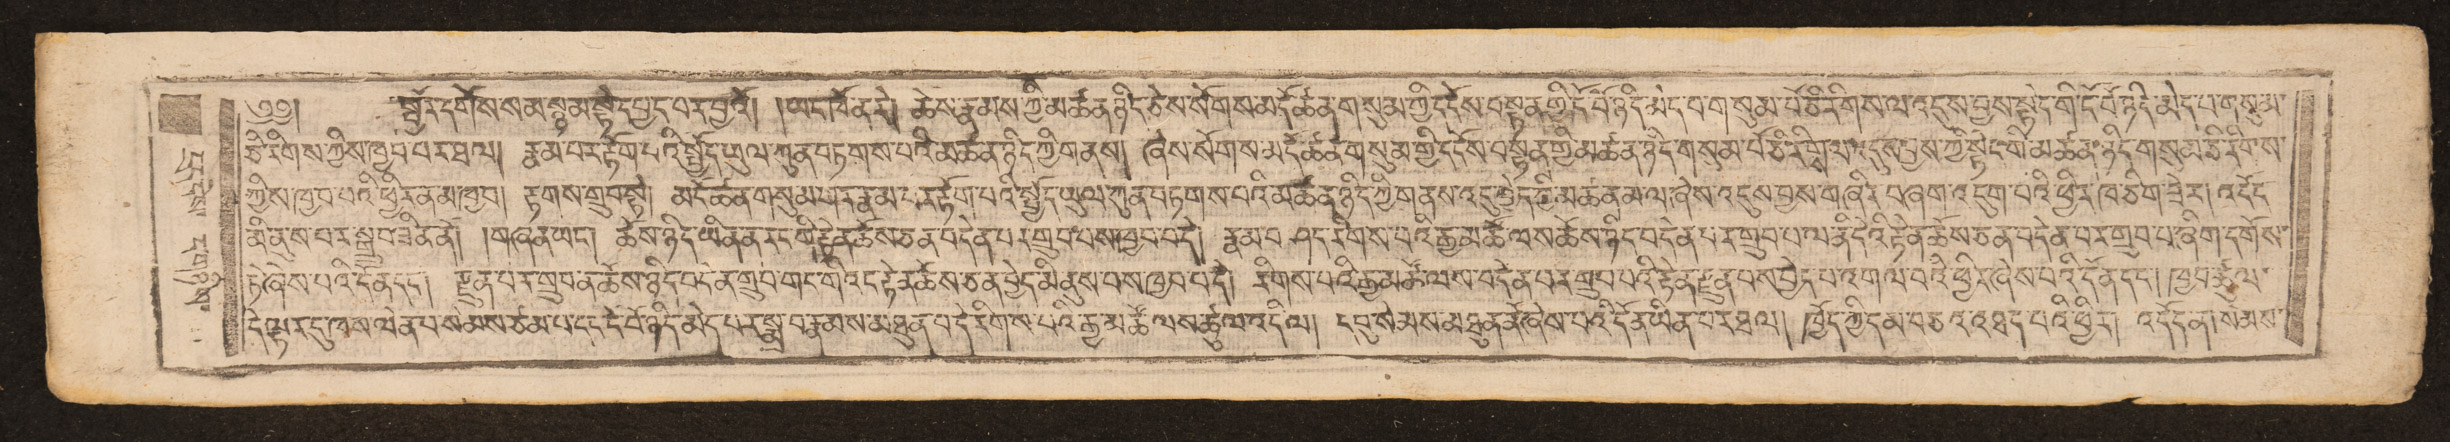༄༅། །སྦྱོར་དགོས་སམ་སྙམ་སྟེ་དཔྱད་པར་བྱའོ། །ཡང་ཁོ་ན་རེ། ཆོས་རྣམས་ཀྱི་མཚན་ཉིད་ཅེས་སོགས་མདོ་ཚན་གསུམ་གྱི་དངོས་བསྟན་གྱི་ངོ་བོ་ཉིད་མེད་པ་གསུམ་པོ་ཅི་རིགས་ལ་འདུས་བྱས་སྟེང་གི་ངོ་བོ་ཉིད་མེད་པ་གསུམ་
ཅི་རིགས་ཀྱིས་ཁྱབ་པར་ཐལ། རྣམ་པར་རྟོག་པའི་སྤྱོད་ཡུལ་ཀུན་བཏགས་པའི་མཚན་ཉིད་ཀྱི་གནས། ཞེས་སོགས་མདོ་ཚན་གསུམ་གྱི་དངོས་བསྟན་གྱི་མཚན་ཉིད་གསུམ་པོ་ཅི་རིགས་ལ་འདུས་བྱས་ཀྱི་སྟེང་གི་མཚན་ཉིད་གསུམ་ཅི་རིགས་
ཀྱིས་ཁྱབ་པའི་ཕྱིར་ན་མ་ཁྱབ། རྟགས་གྲུབ་སྟེ། མདོ་ཚན་གསུམ་གར་རྣམ་པར་རྟོག་པའི་སྤྱོད་ཡུལ་ཀུན་བཏགས་པའི་མཚན་ཉིད་ཀྱི་གནས་འདུ་བྱེད་ཀྱི་མཚན་མ་ལ་ཞེས་འདུས་བྱས་གཞིར་བཞག་འདུག་པའི་ཕྱིར་ཁ་ཅིག་ཟེར། འདོད་
མི་ནུས་པར་སྒྲུབ་ཟིན་ནོ། །གཞན་ཡང་། ཆོས་ཉིད་ཡིན་ན་རང་གི་རྟེན་ཆོས་ཅན་བདེན་པར་གྲུབ་པས་ཁྱབ་བ་དེ། རྣམ་བཤད་རིགས་པའི་རྒྱ་མཚོ་ལས་ཆོས་ཉིད་བདེན་པར་གྲུབ་པ་ལ་ནི་དེའི་རྟེན་ཆོས་ཅན་བདེན་པར་གྲུབ་པ་ཞིག་དགོས་
ཏེ་ཞེས་པའི་དོན་དང་། རྫུན་པར་གྲུབ་ན་ཆོས་ཉིད་བདེན་གྲུབ་གང་གིའང་རྟེན་ཆོས་ཅན་བྱེད་མི་ནུས་པས་ཁྱབ་པ་དེ། རིགས་པའི་རྒྱ་མཚོ་ལས་བདེན་པར་གྲུབ་པའི་རྟེན་རྫུན་པས་བྱེད་པ་འགལ་བའི་ཕྱིར་ཞེས་པའི་དོན་དང་། ཁྱབ་ཚུལ་
དེ་ལྟར་དུ་ཁས་ལེན་པ་སེམས་ཙམ་པ་དང་ངོ་བོ་ཉིད་མེད་པར་སྨྲ་བ་རྣམས་མཐུན་པ་དེ་རིགས་པའི་རྒྱ་མཚོ་ལས་ཚུལ་འདི་ལ། དབུ་སེམས་མཐུན་ནོ་ཞེས་པའི་དོན་ཡིན་པར་ཐལ། ཁྱོད་ཀྱི་དམ་བཅའ་འཐད་པའི་ཕྱིར། འདོད་ན། སེམས་